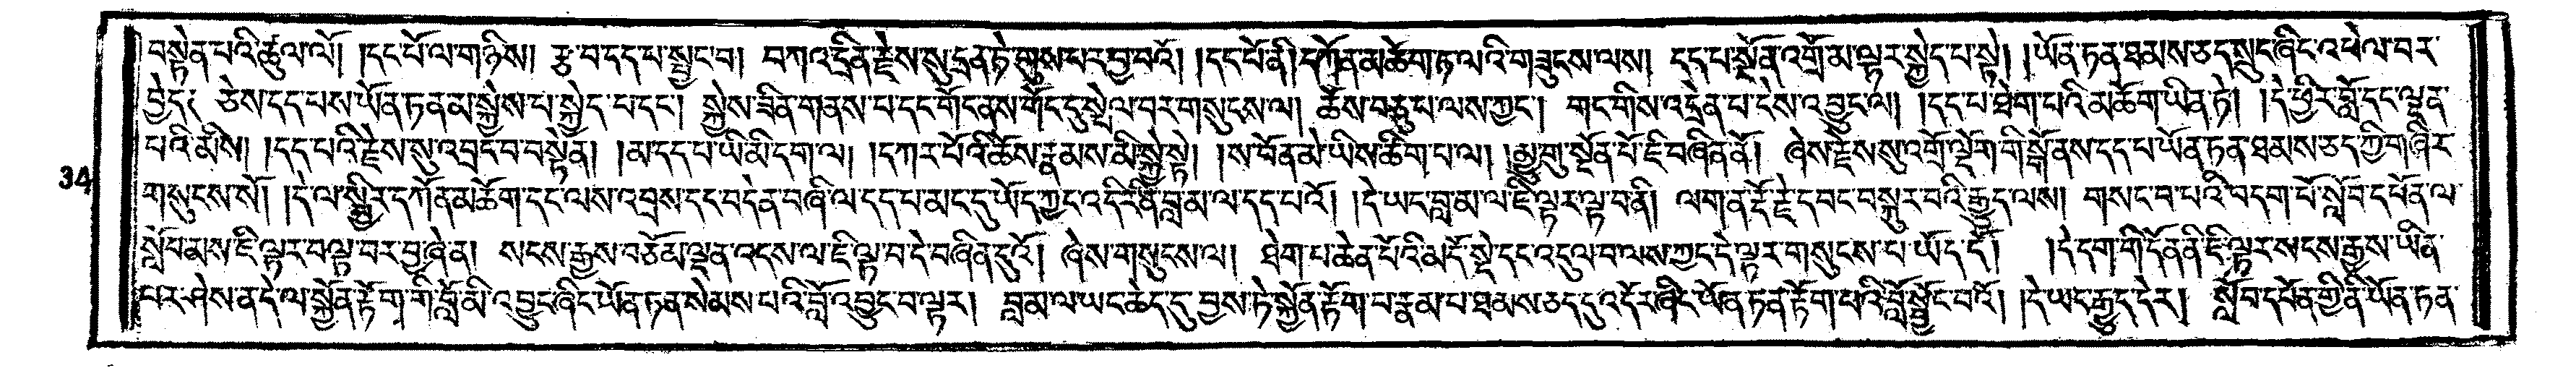བསྟེན་པའི་ཚུལ་ལོ། །དང་པོ་ལ་གཉིས། རྩ་བ་དད་པ་སྦྱང་བ། བཀའ་དྲིན་རྗེས་སུ་དྲན་ཏེ་གུས་པར་བྱ་བའོ། །དང་པོ་ནི། དཀོན་མཆོག་ཏ་ལའི་གཟུངས་ལས། དད་པ་སྔོན་འགྲོ་མ་ལྟར་སྐྱེད་པ་སྟེ། །ཡོན་ཏན་ཐམས་ཅད་སྲུང་ཞིང་འཕེལ་བར་
བྱེད༑ ཅེས་དད་པས་ཡོན་ཏན་མ་སྐྱེས་པ་སྐྱེད་པ་དང་། སྐྱེས་ཟིན་གནས་པ་དང་གོང་ནས་གོང་དུ་སྤེལ་བར་གསུངས་ལ། ཆོས་བཅུ་པ་ལས་ཀྱང་། གང་གིས་འདྲེན་པ་དེས་འབྱུང་ལ། །དད་པ་ཐེག་པའི་མཆོག་ཡིན་ཏེ། །དེ་ཕྱིར་བློ་དང་ལྡན་
པའི་མིས། །དད་པའི་རྗེས་སུ་འབྲང་བ་བསྟེན། །མ་དད་པ་ཡི་མི་དག་ལ། །དཀར་པོའི་ཆོས་རྣམས་མི་སྐྱེ་སྟེ། །ས་བོན་མེ་ཡིས་ཚིག་པ་ལ། །མྱུ་གུ་སྔོན་པོ་ཇི་བཞིན་ནོ། ཞེས་རྗེས་སུ་འགྲོ་ལྡོག་གི་སྒོ་ནས་དད་པ་ཡོན་ཏན་ཐམས་ཅད་ཀྱི་གཞིར་
གསུངས་སོ། །དེ་ལ་སྦྱིར་དཀོན་མཆོག་དང་ལས་འབྲས་དང་བདེན་བཞི་ལ་དད་པ་མང་དུ་ཡོད་ཀྱང་འདིར་ནི་བླ་མ་ལ་དད་པའོ། །དེ་ཡང་བླ་མ་ལ་ཇི་ལྟར་ལྟ་བ་ནི། ལག་ན་རྡོ་རྗེ་དབང་བསྐུར་བའི་རྒྱུད་ལས། གསང་བ་པའི་བདག་པོ་སློབ་དཔོན་ལ་
སློབ་མས་ཇི་ལྟར་བལྟ་བར་བྱ་ཞེ་ན། སངས་རྒྱས་བཅོམ་ལྡན་འདས་ལ་ཇི་ལྟ་བ་དེ་བཞིན་དུའོ། ཞེས་གསུངས་ལ། ཐེག་པ་ཆེན་པོའི་མདོ་སྡེ་དང་འདུལ་བ་ལས་ཀྱང་དེ་ལྟར་གསུངས་པ་ཡོད་དོ། །དེ་དག་གི་དོན་ནི་ཇི་ལྟར་སངས་རྒྱས་ཡིན་
པར་ཤེས་ན་དེ་ལ་སྐྱོན་རྟོག་གི་བློ་མི་འབྱུང་ཞིང་ཡོན་ཏན་སེམས་པའི་བློ་འབྱུང་བ་ལྟར། བླ་མ་ལ་ཡང་ཆེད་དུ་བྱས་ཏེ་སྐྱོན་རྟོག་པ་རྣམ་པ་ཐམས་ཅད་དུ་འདོར་ཞིང་ཡོན་ཏན་རྟོག་པའི་བློ་སྦྱོང་བའོ། །དེ་ཡང་རྒྱུད་དེར། སློབ་དཔོན་གྱི་ནི་ཡོན་ཏན་